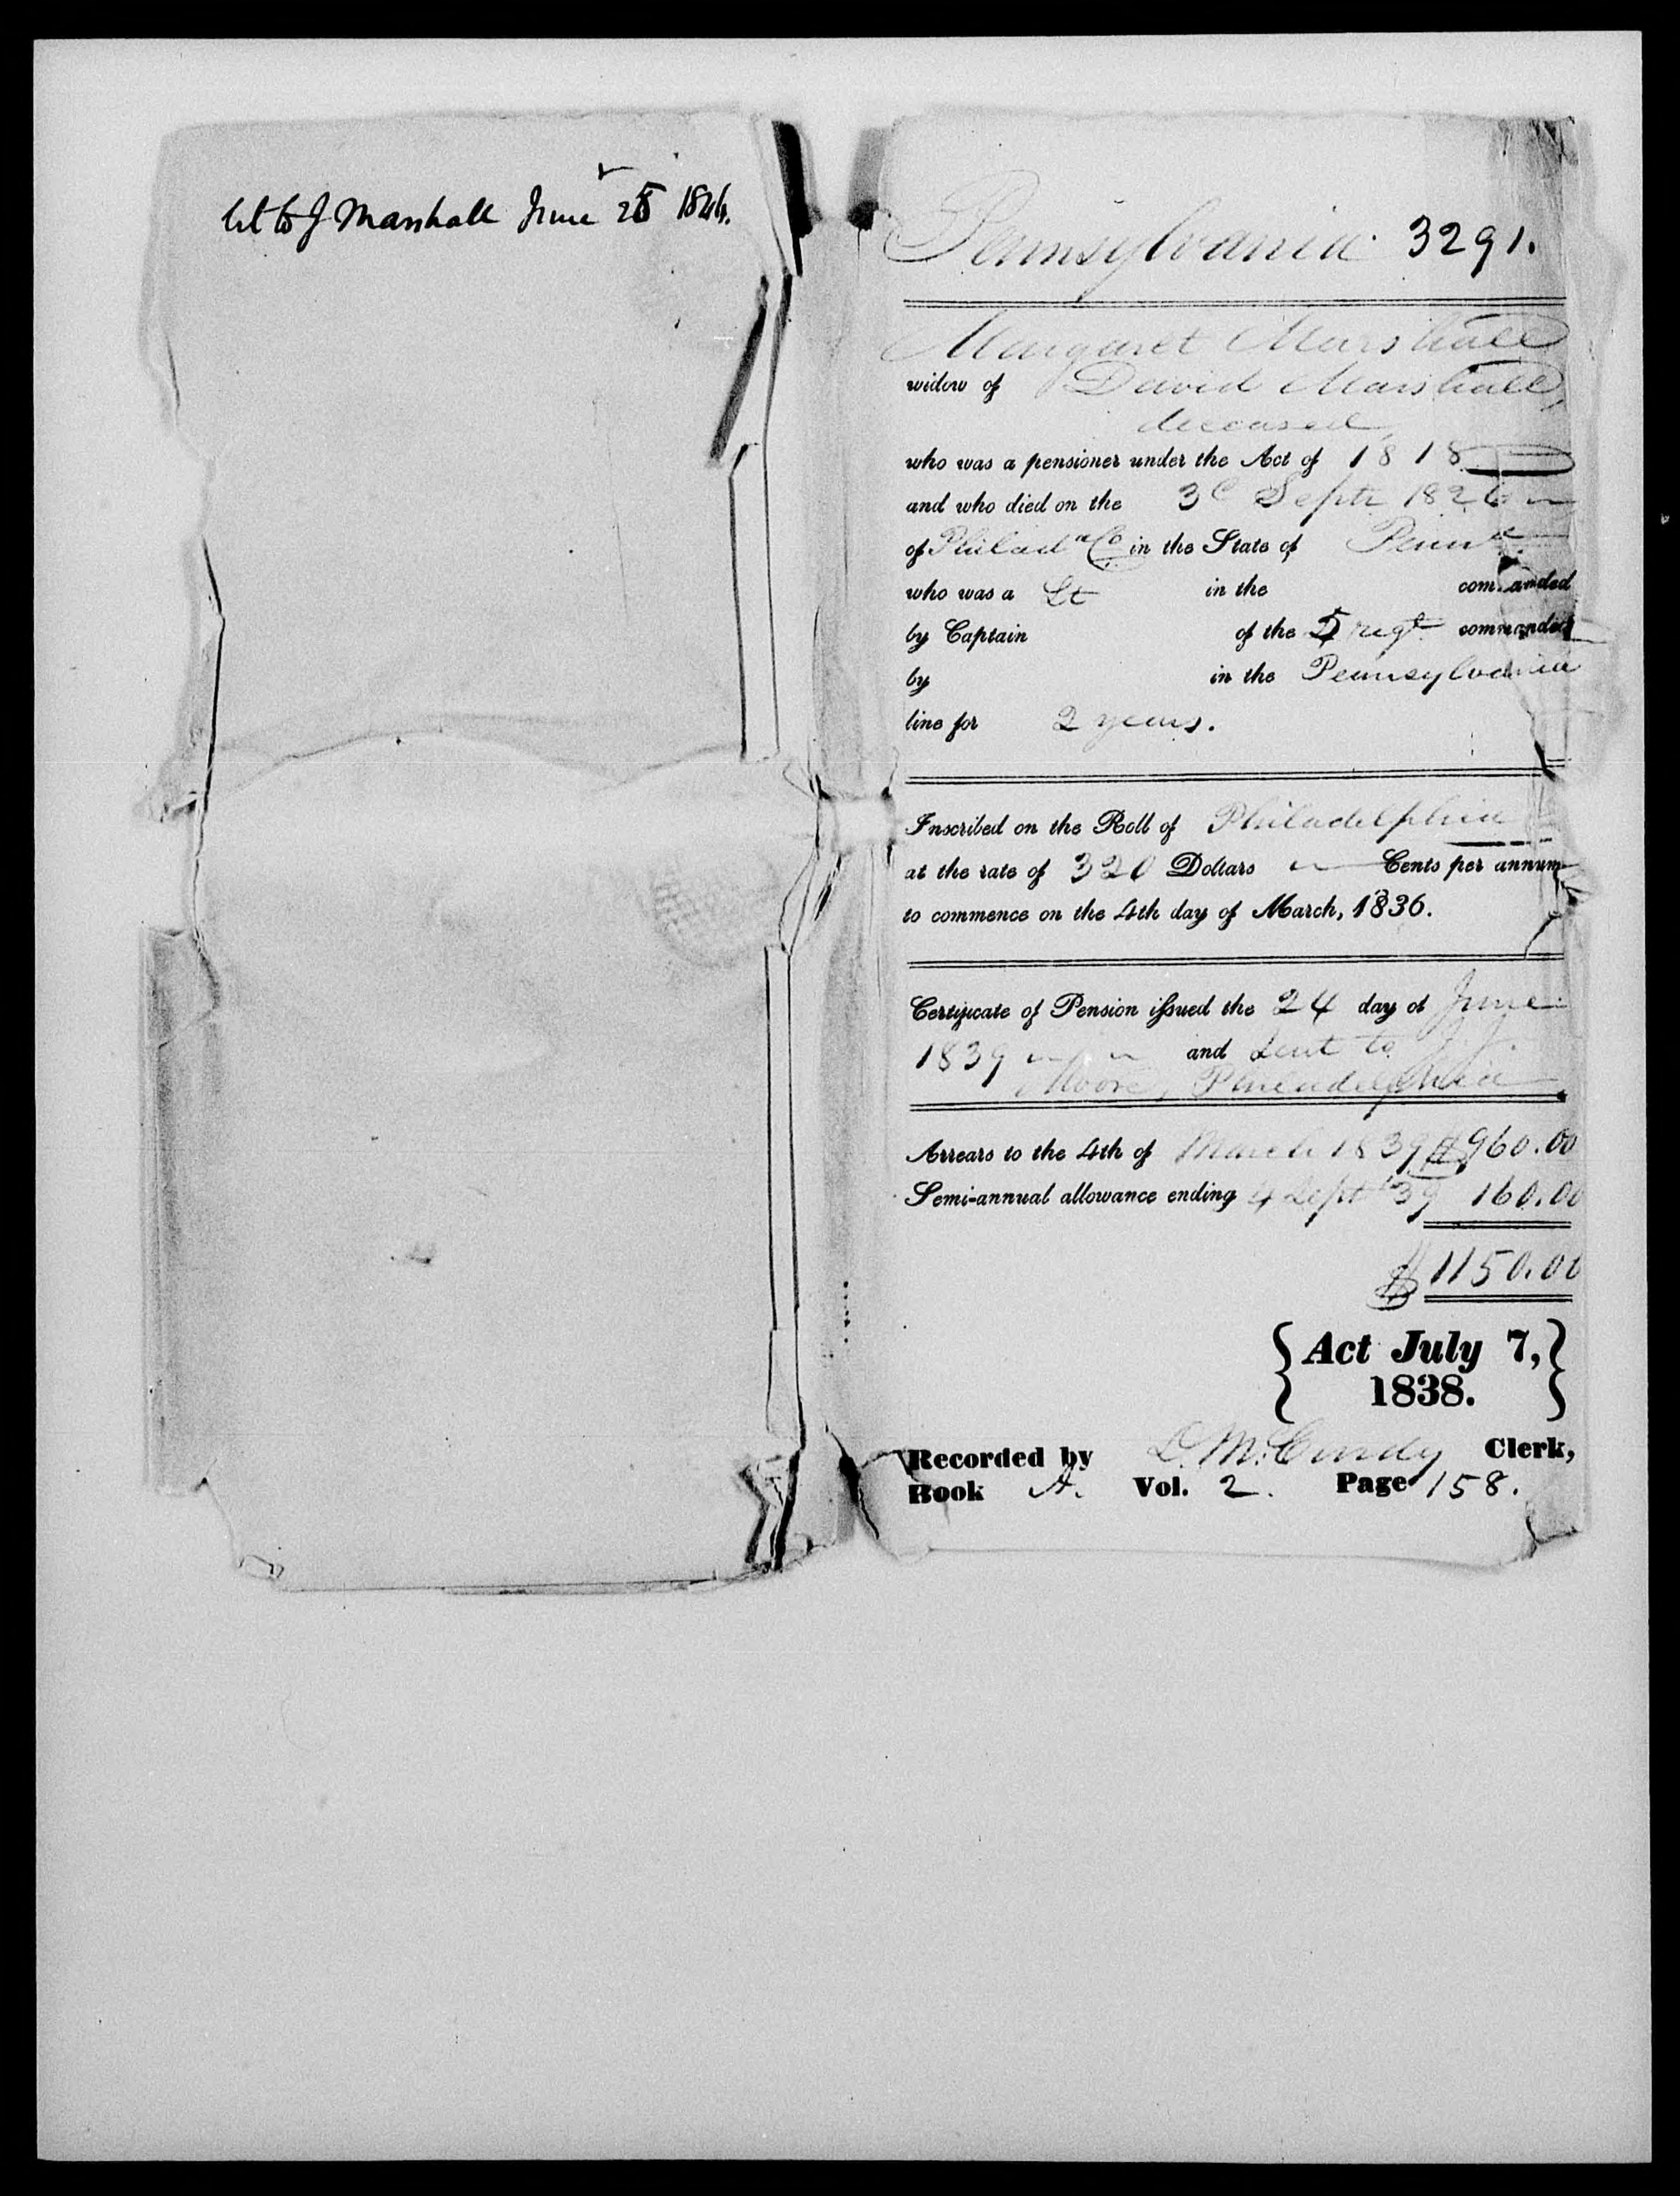Let to J Manhale June 28 1844.

Pennsylvania 329
Margaret Marshall widow of David Marshall
deceased
who was a pensioner under the Act of 1818 and who died on the 3rd Sept'r 1826 in Philadelphia Co in the State of Pennsylvania who was a Lt in the [blank] commanded by Captain [blan] of the 5 regt commanded by p[blank] in the Pennsylvania in line for 2 years.

Inscribed on the Roll of Philadelphia at the rate of 320 Dollars --- Cents per annum to commence on the 4th day of March, 1836.

Certificate of Pension issued the 24 day of June  1839 [illegible] and sent to J.J. Moore, Philadelphia 

Arrears to the 4th of March 1839  $960.00
Semi-annual allowance ending 4 Sept 39  160.00
$1150.00

Act July 7, 1838.

Recorded by D.M. Cindy Clerk, 
Book A. Vol. 2. Page 158.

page: 29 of 86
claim: widow's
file: W. 3571, for David Marshall, Pennsylvania